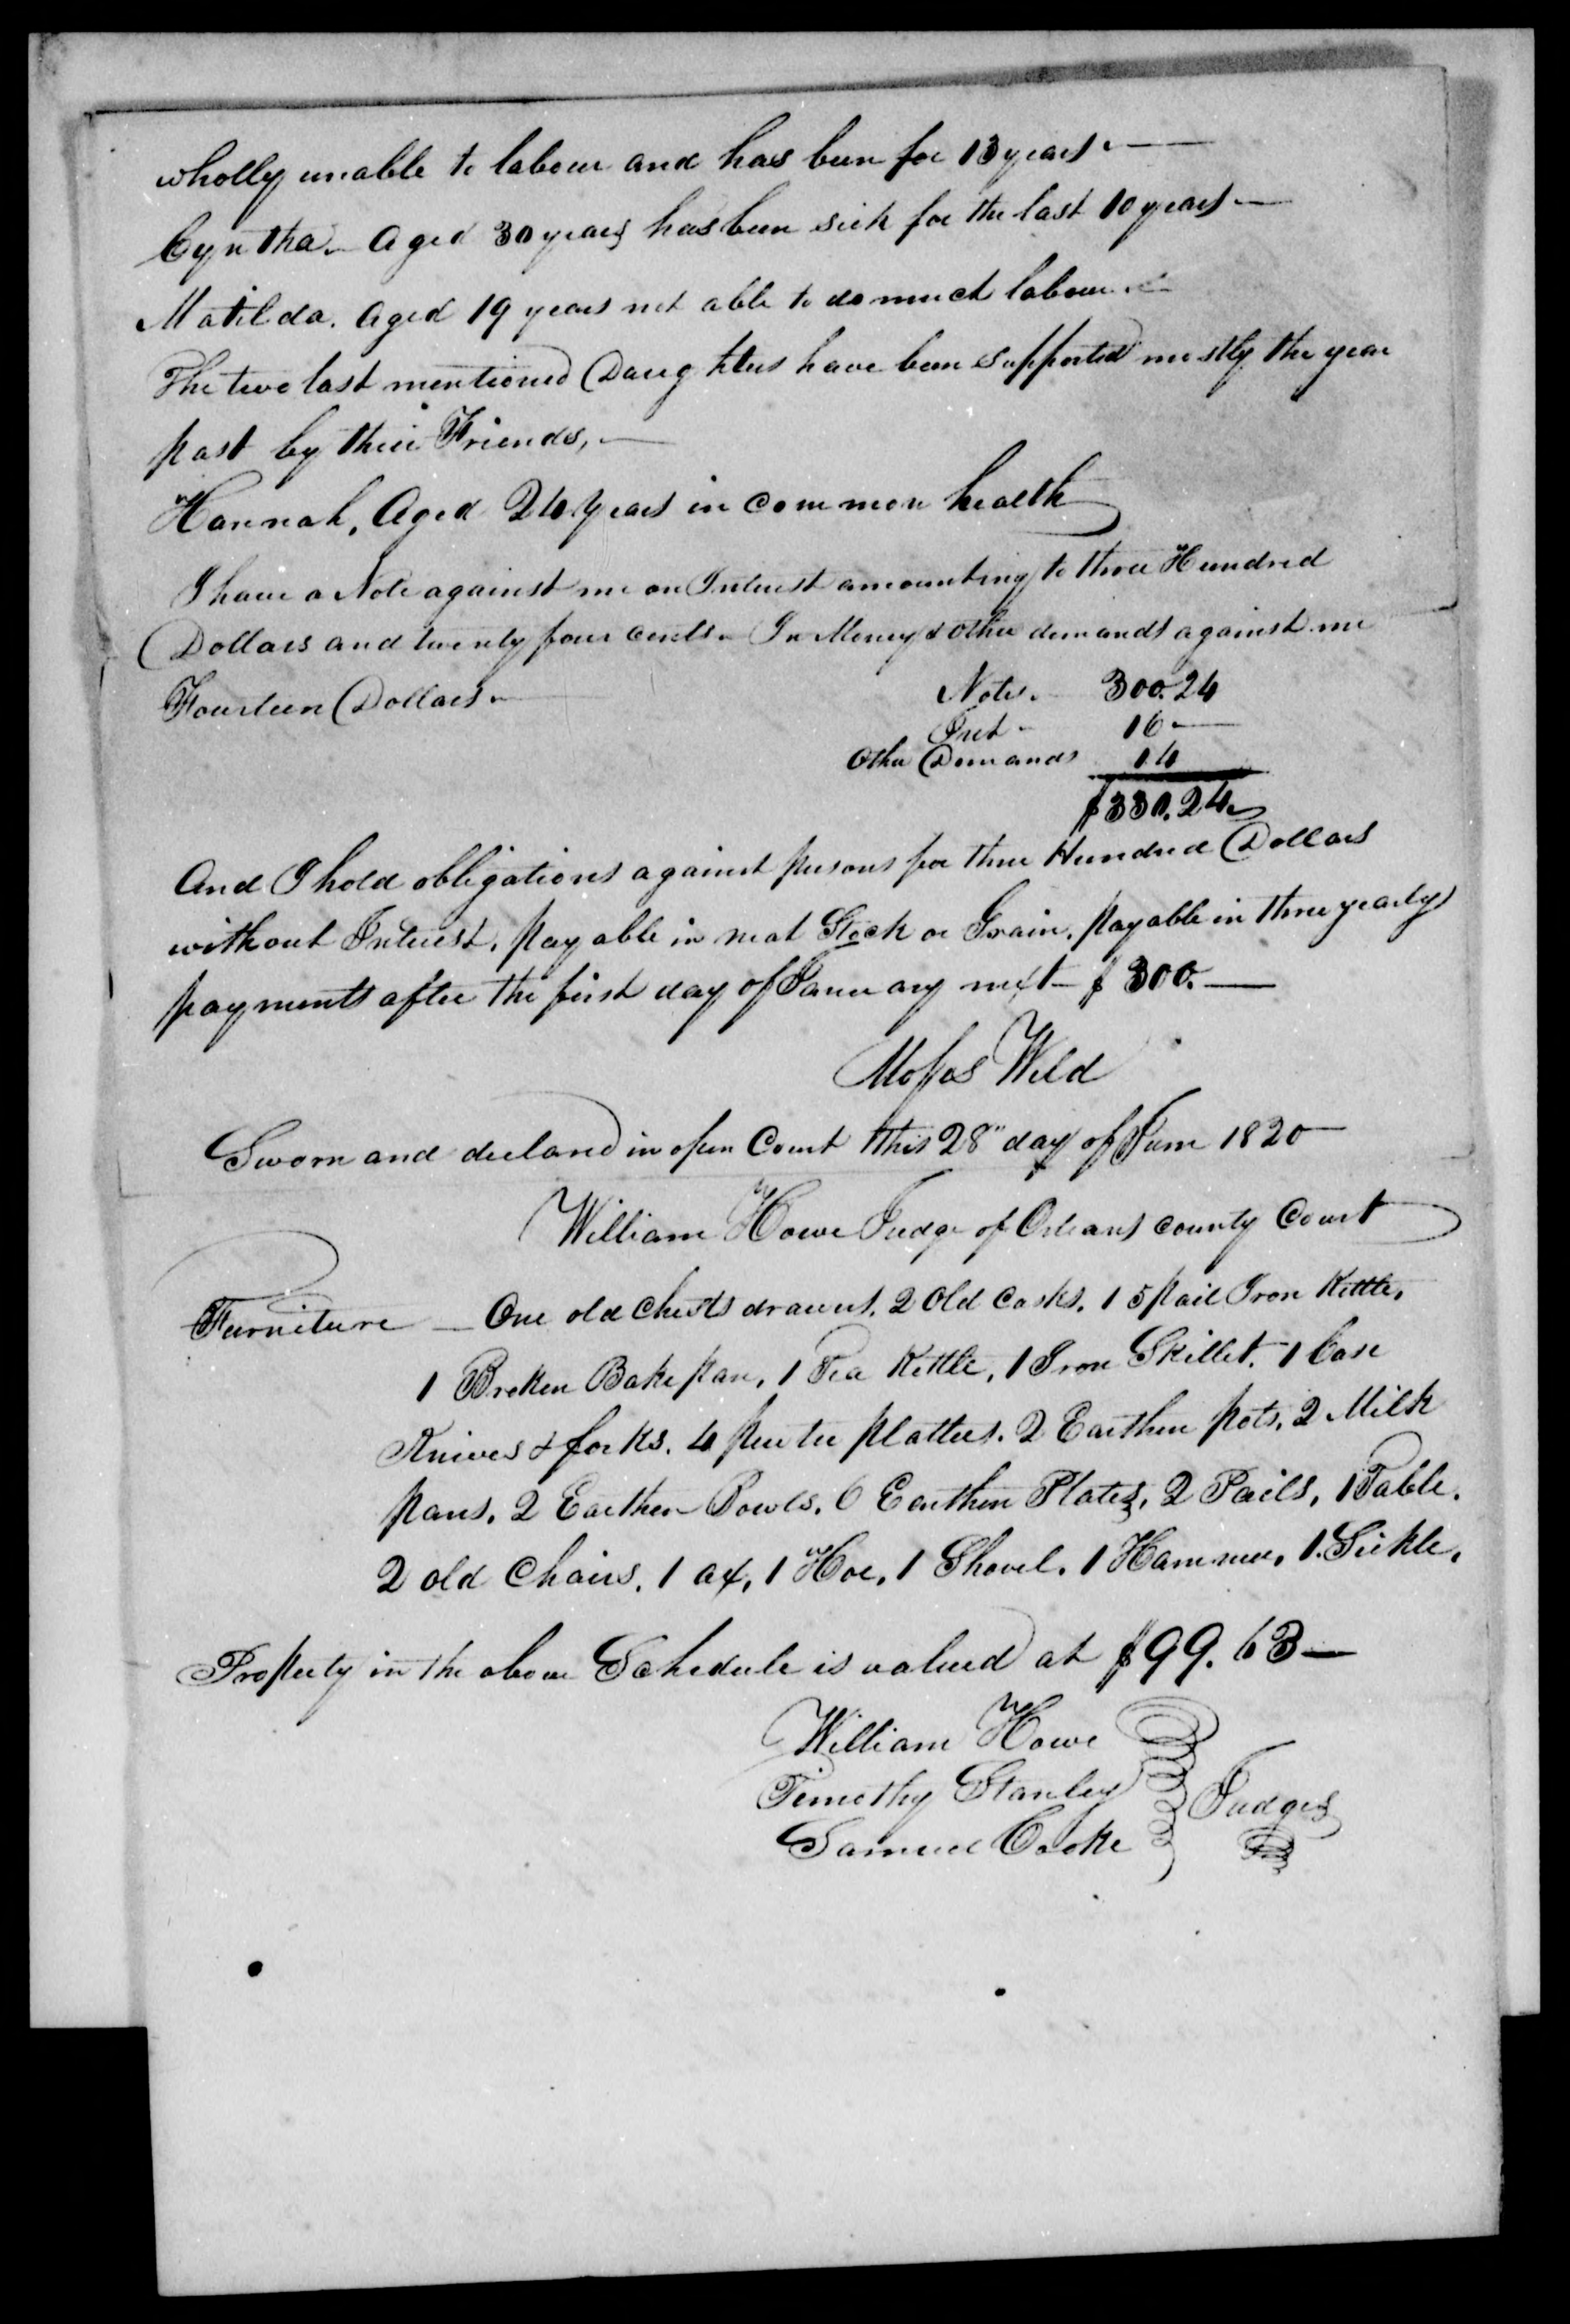wholly unable to labor and has been for 13 years -
Cynthia aged 30 years has been sick for the last 10 years -
Matilda aged 19 years not able to do much labor -
The two last mentioned daughters have been supported mostly the year past by their Friends-
Hannah, aged 24 years in common health
I have a Note against me and Interest amounting to Three Hundred
Dollars and twenty four cents. In Money & other demands against me Fourteen Dollars
Note - - - 300.24
[?] - - - 16
Other Demands - - - 14
[Sum] - - - 330.24
and I hold obligations against persons for Three Hundred without Interest payable in at stock or Grain, payable in three yearly payments after the first day of January next - $300 -
Moses Weld

Sworn and declared in open Court this 28" day of June 1820
William Howe Judge of Orleans County Court
Furniture --
One old chest drawers, 2 Old Casks, 1 5-pail Iron Kettle, Broken Bake pan, 1 Tea Kettle, 1 Iron Skillet 1 Case Knives & forks, 4 pewter platters, 2 Earthen pots, 2 Milk pans, 2 Earthen Bowls, 6 Earthen Plates. 2 Pails, 1 Table,
2 old chairs, 1 ax, 1 Hoe, 1 Shovel 1 Hammer, 1 Sickle,
Property in the above Schedule is valued at $99.63
Judges:
William Howe
Timothy Stanley 
Samuel Cooke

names: Moses Weld, Samuel Cooke, Timothy Stanley, William Howe, Hannah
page: 86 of 87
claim: widow's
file: W. 25,966, Moses Weld, Mass.